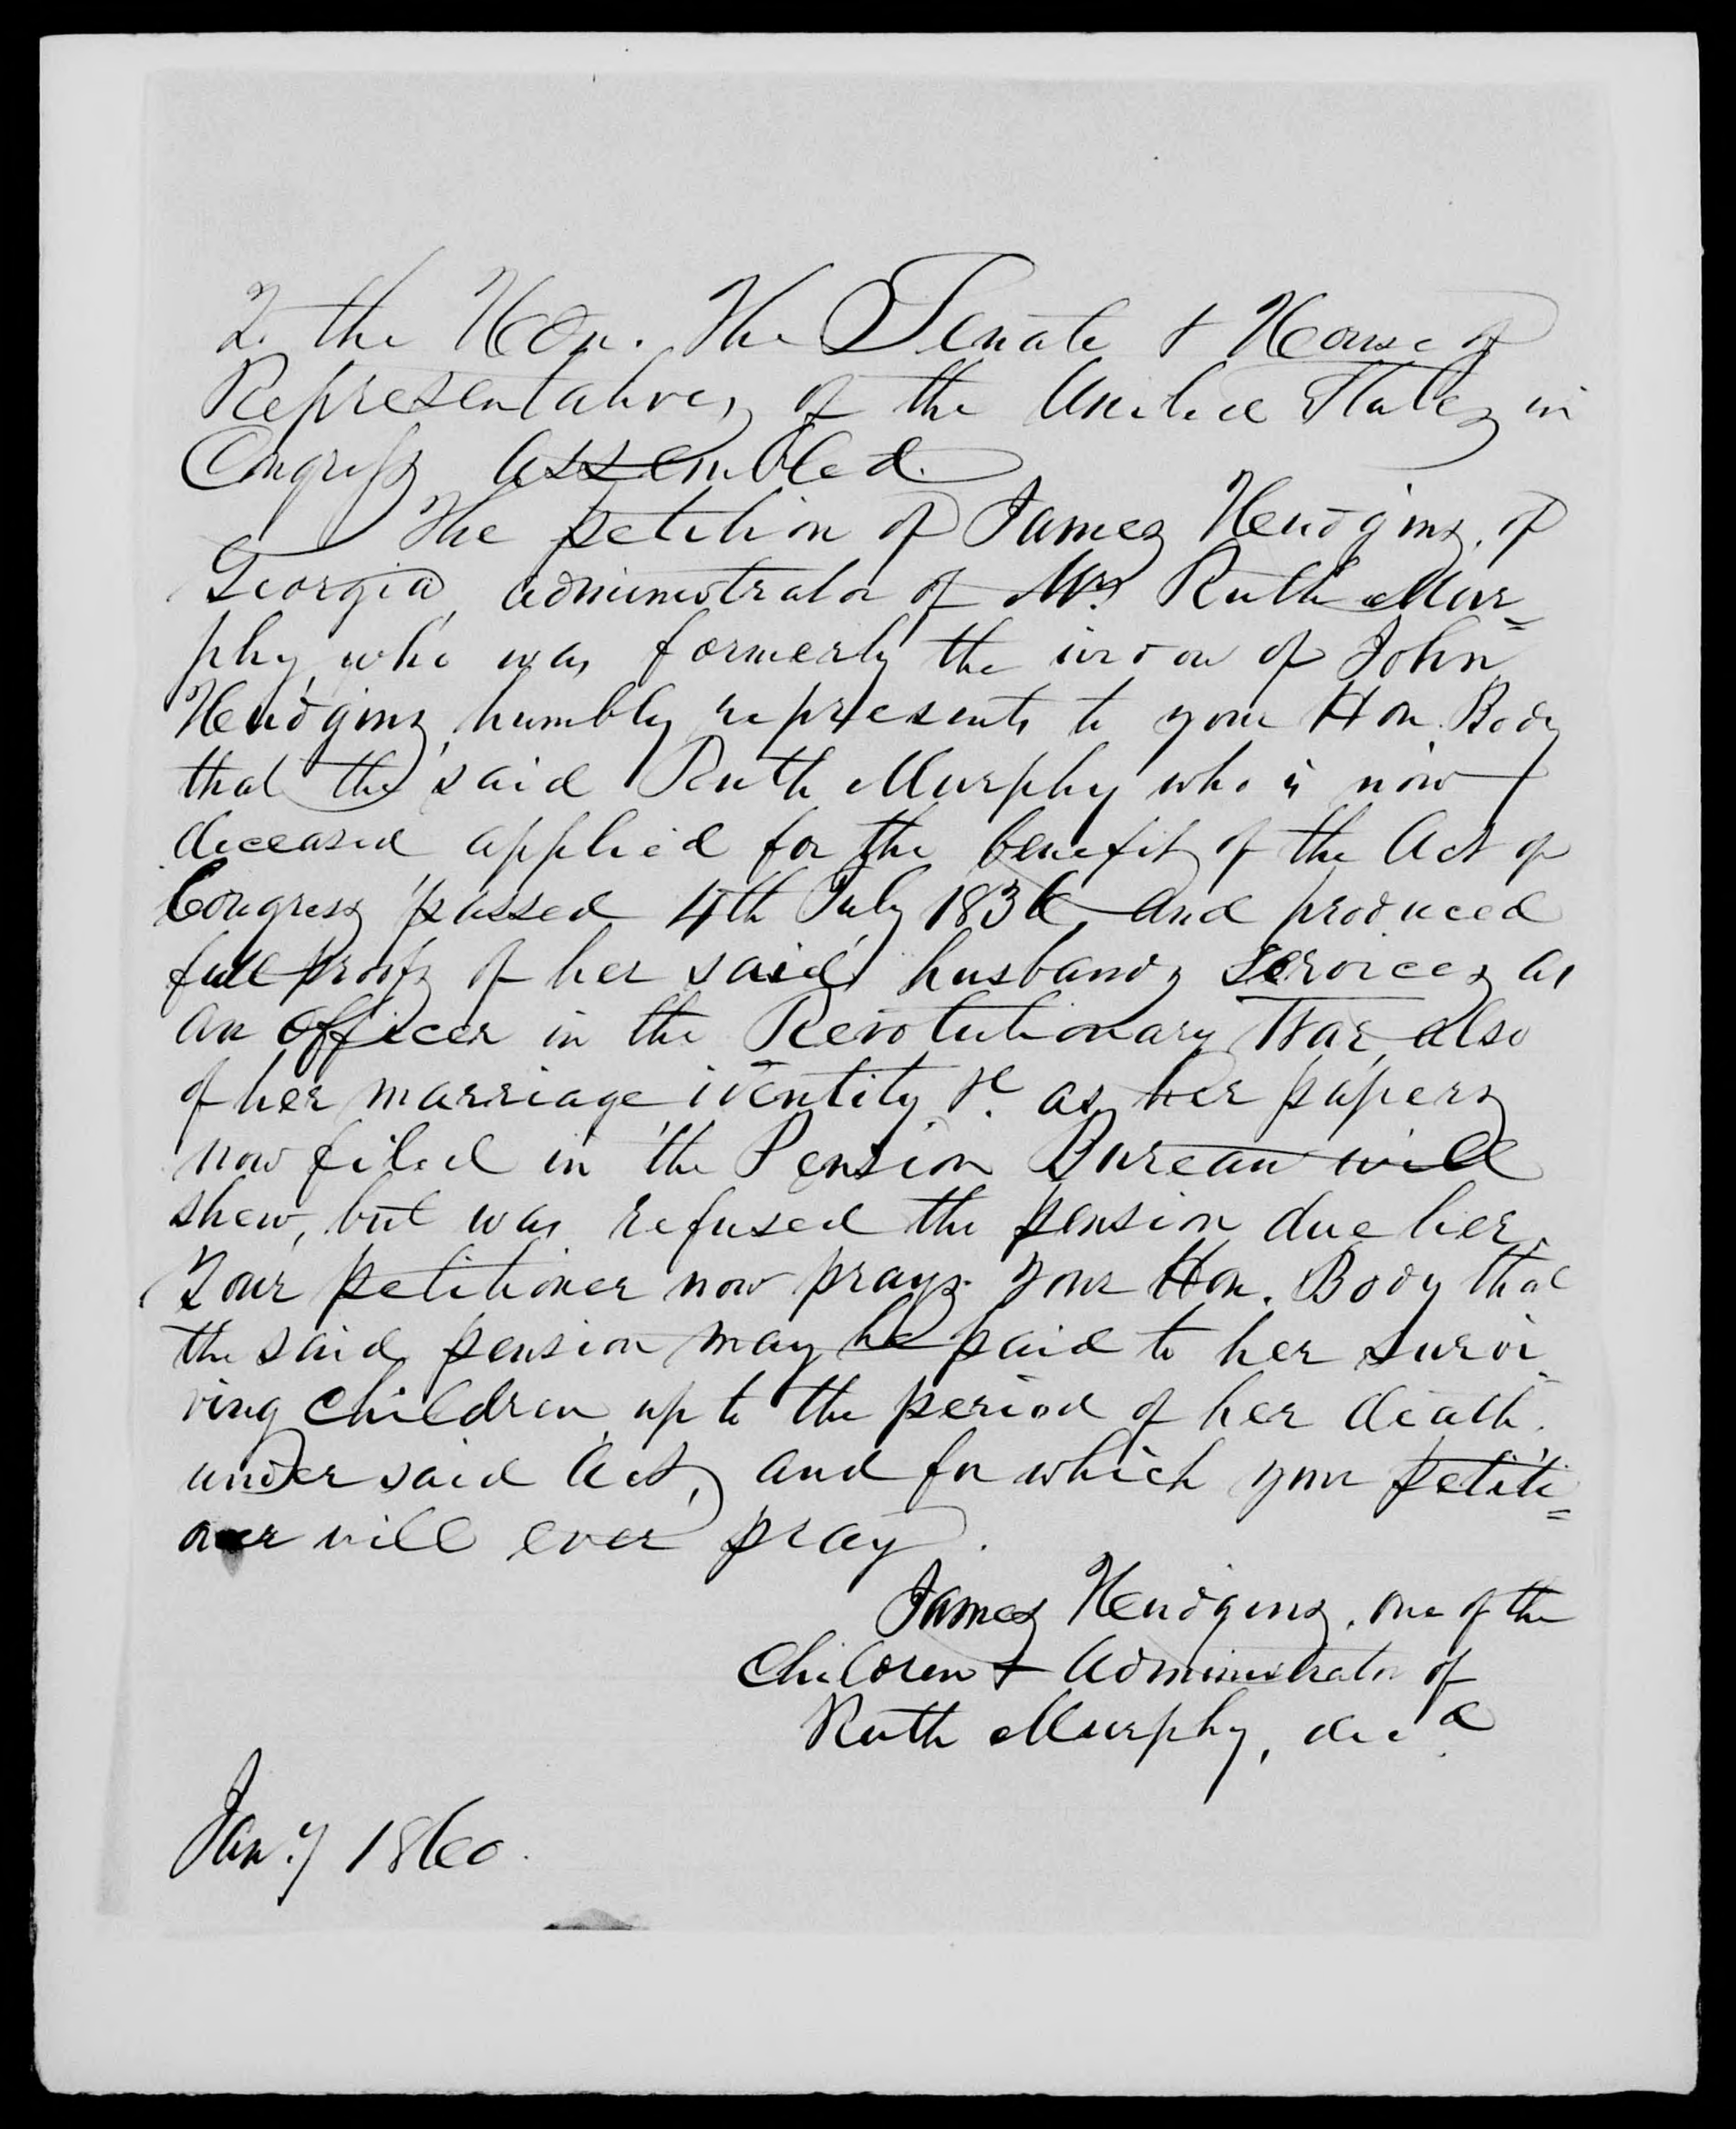2. the Hon. the Senate & House of Representatives, of the United States in Congress assembled.
The petition of James Hudgins, of Georgia, administrator of Mrs. Ruth Murphy who was formerly the widow of John Hudgins humbly represents to you Hon. Body that the said Ruth Murphy who is now deceased applied for the benefit of the Act of Congress passed 4th July 1836 and produced full proof of her said husband's service, as an officer in the Revolutionary War, also of her marriage identity [illegible] as her papers now filed in the Pension Bureau will show, but was refused the pension due her. Your petitioner now prays your Hon. Body that the said pension may be paid to her surviving children up to the period of her death under said act, and for which your petitioner will ever pray.

James Hudgins, one of the children & administrator of Ruth Murphy, dec'd

Jan 7, 1860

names: Ruth Murphy, James Hudgins, John Hudgins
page: 49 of 108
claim: rejected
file: R. 7,515, John Hudgins, N.C.